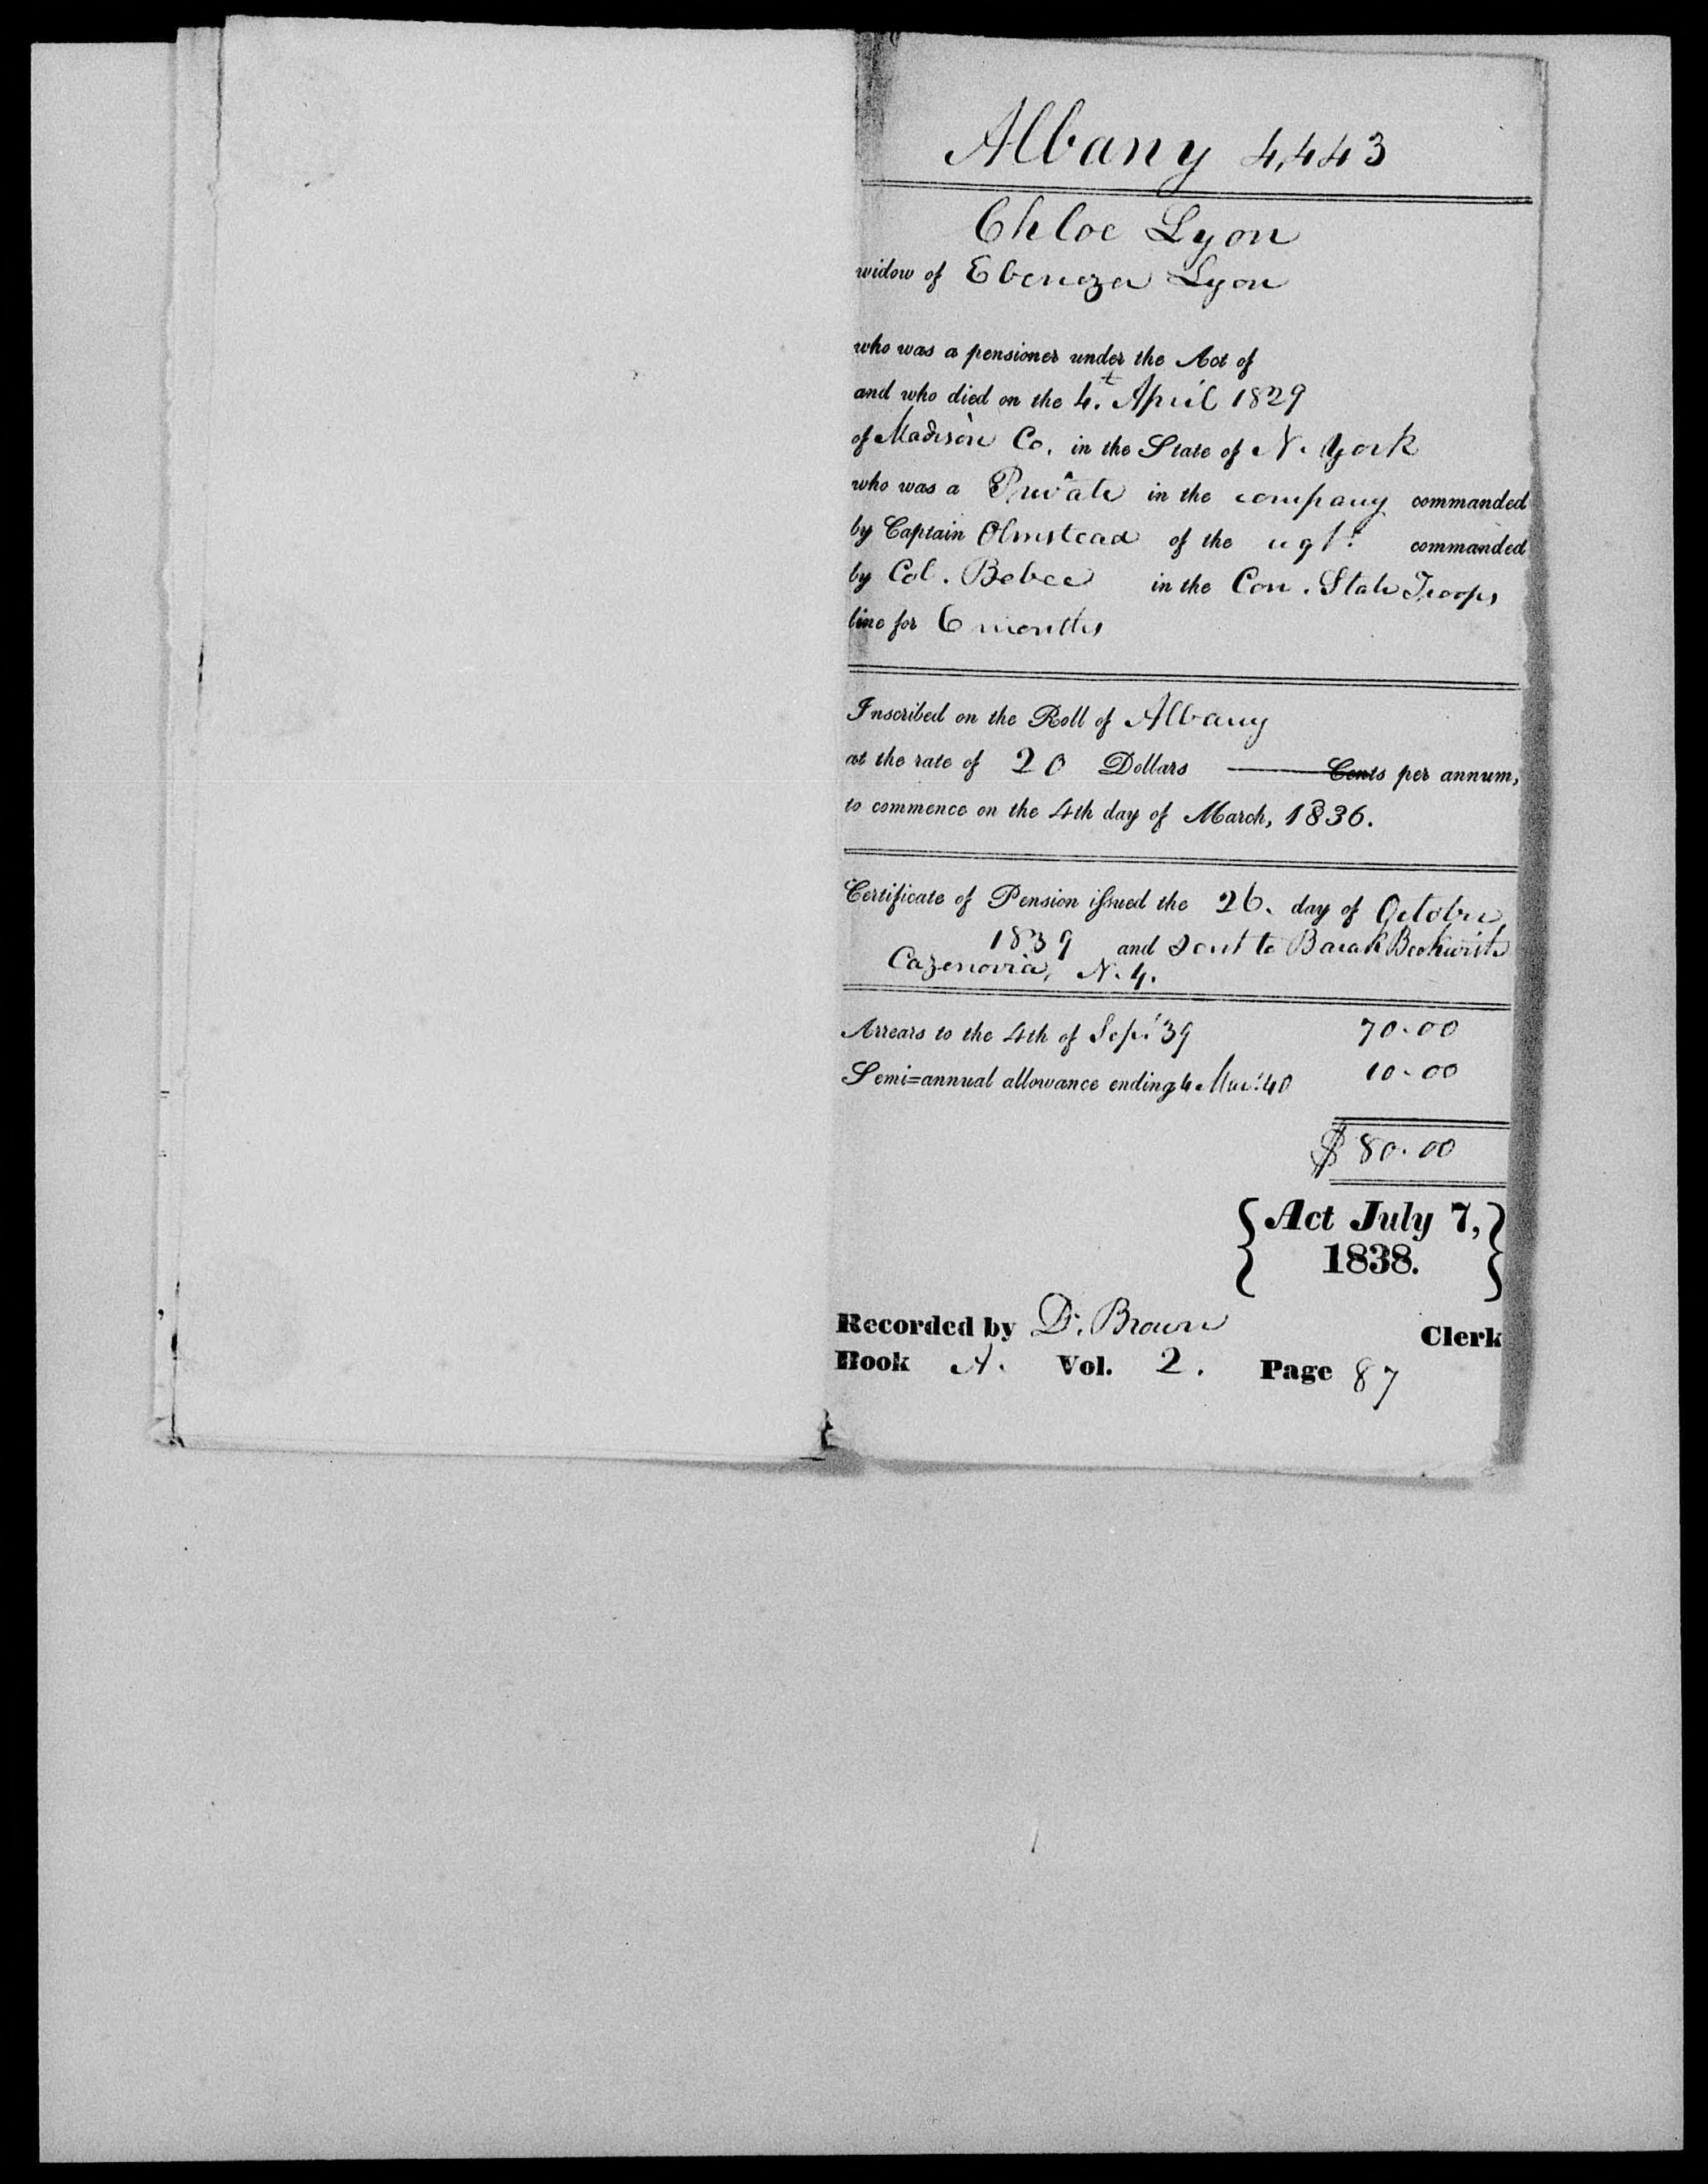Albany 4,443
Chloe Lyon widow of Ebenezer Lyon who was a pensioner under the Act of and who died on the 4th April 1829 of Madison Co. in the State of N. York who was a Private in the company commanded by Captain Olmstead of the regt. commanded by Col. Bebee in the Con. State Troops line for 6 months

Inscribed on the Roll of Albany at the rate of 20 Dollars --- Cents per annum, to commence on the 4th day of March, 1836.

Certificate of Pension issued the 26. day of October 1839 and sent to Barak Beckwith Cazenovia, N.Y.

Arrears to the 4th of Sep. '39 70.00
Semi=annual allowance ending 4 Mar. '40 10.00
_____
$80.00
{Act July 7, 1838.}
Recorded by D. Brown Clerk
Book A. Vol. 2. Page 87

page: 32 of 40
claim: widow's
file: W. 24,615, for Ebenezer Lyon, Connecticut